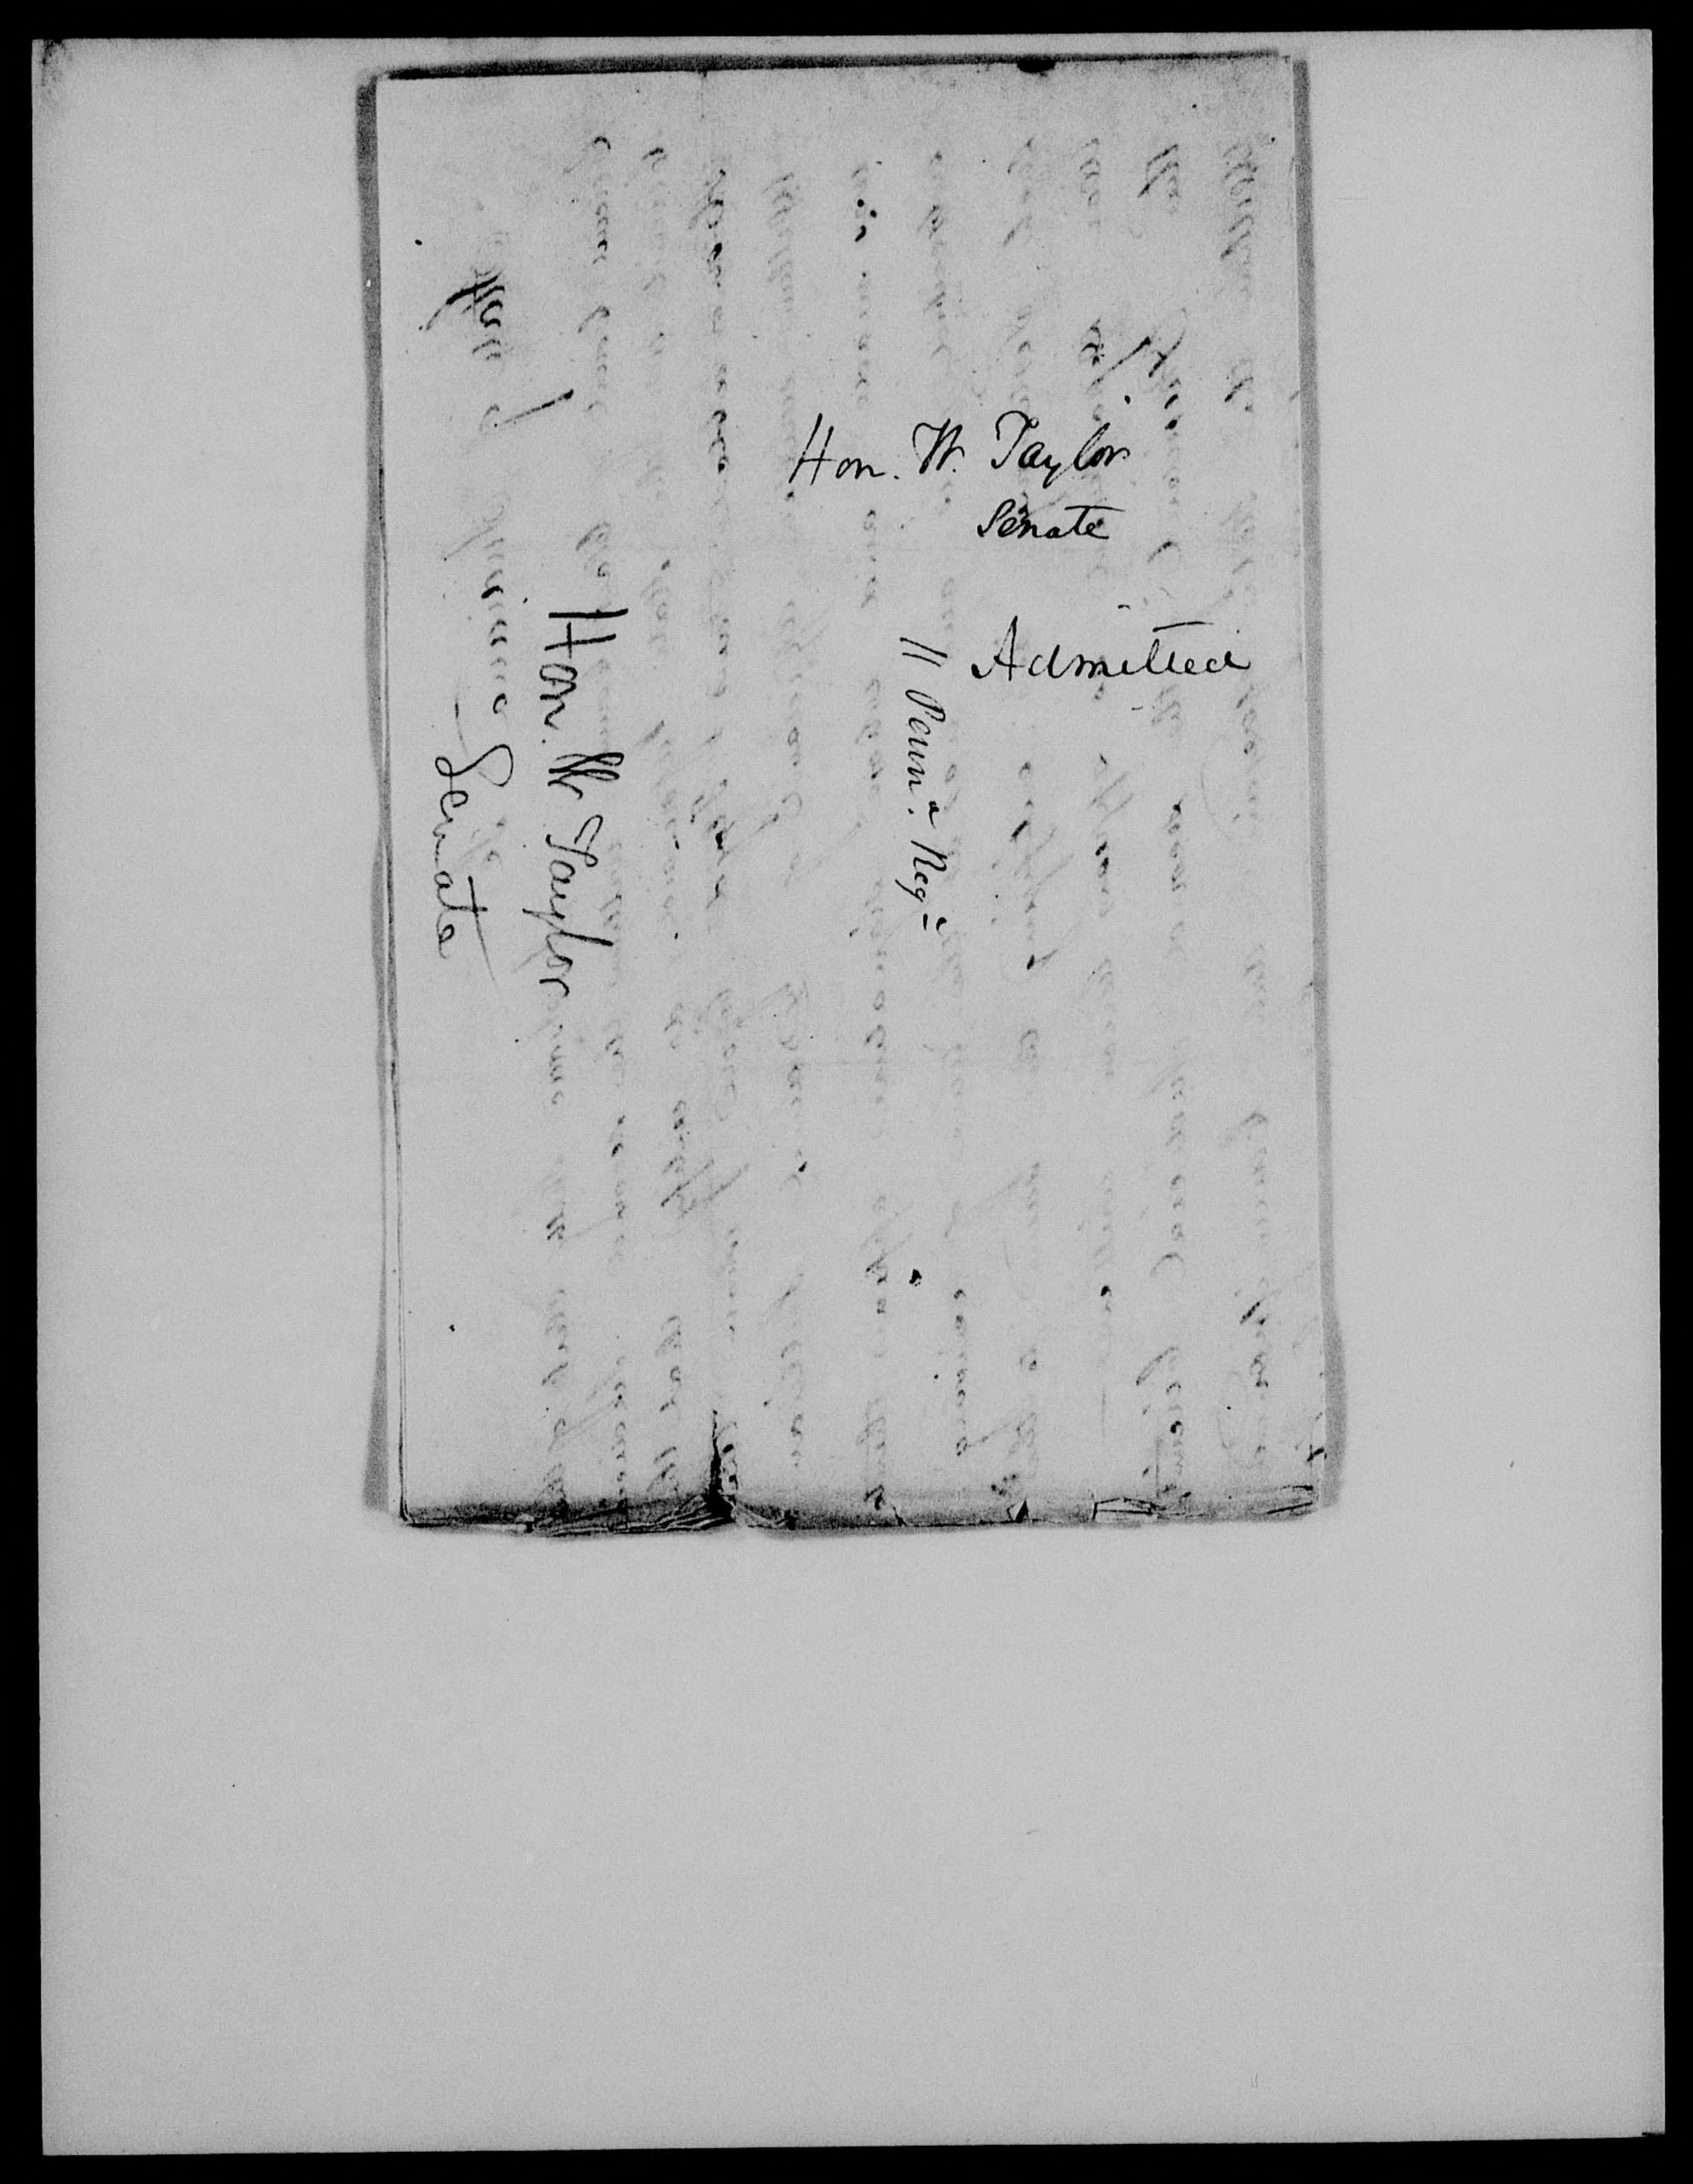Hon. W. Taylor
Senate

Admitted

Hon W. Taylor
Senate

11 Penn Reg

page: 2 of 78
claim: widow's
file: W. 25,169, for Daniel Sullivan, Maryland